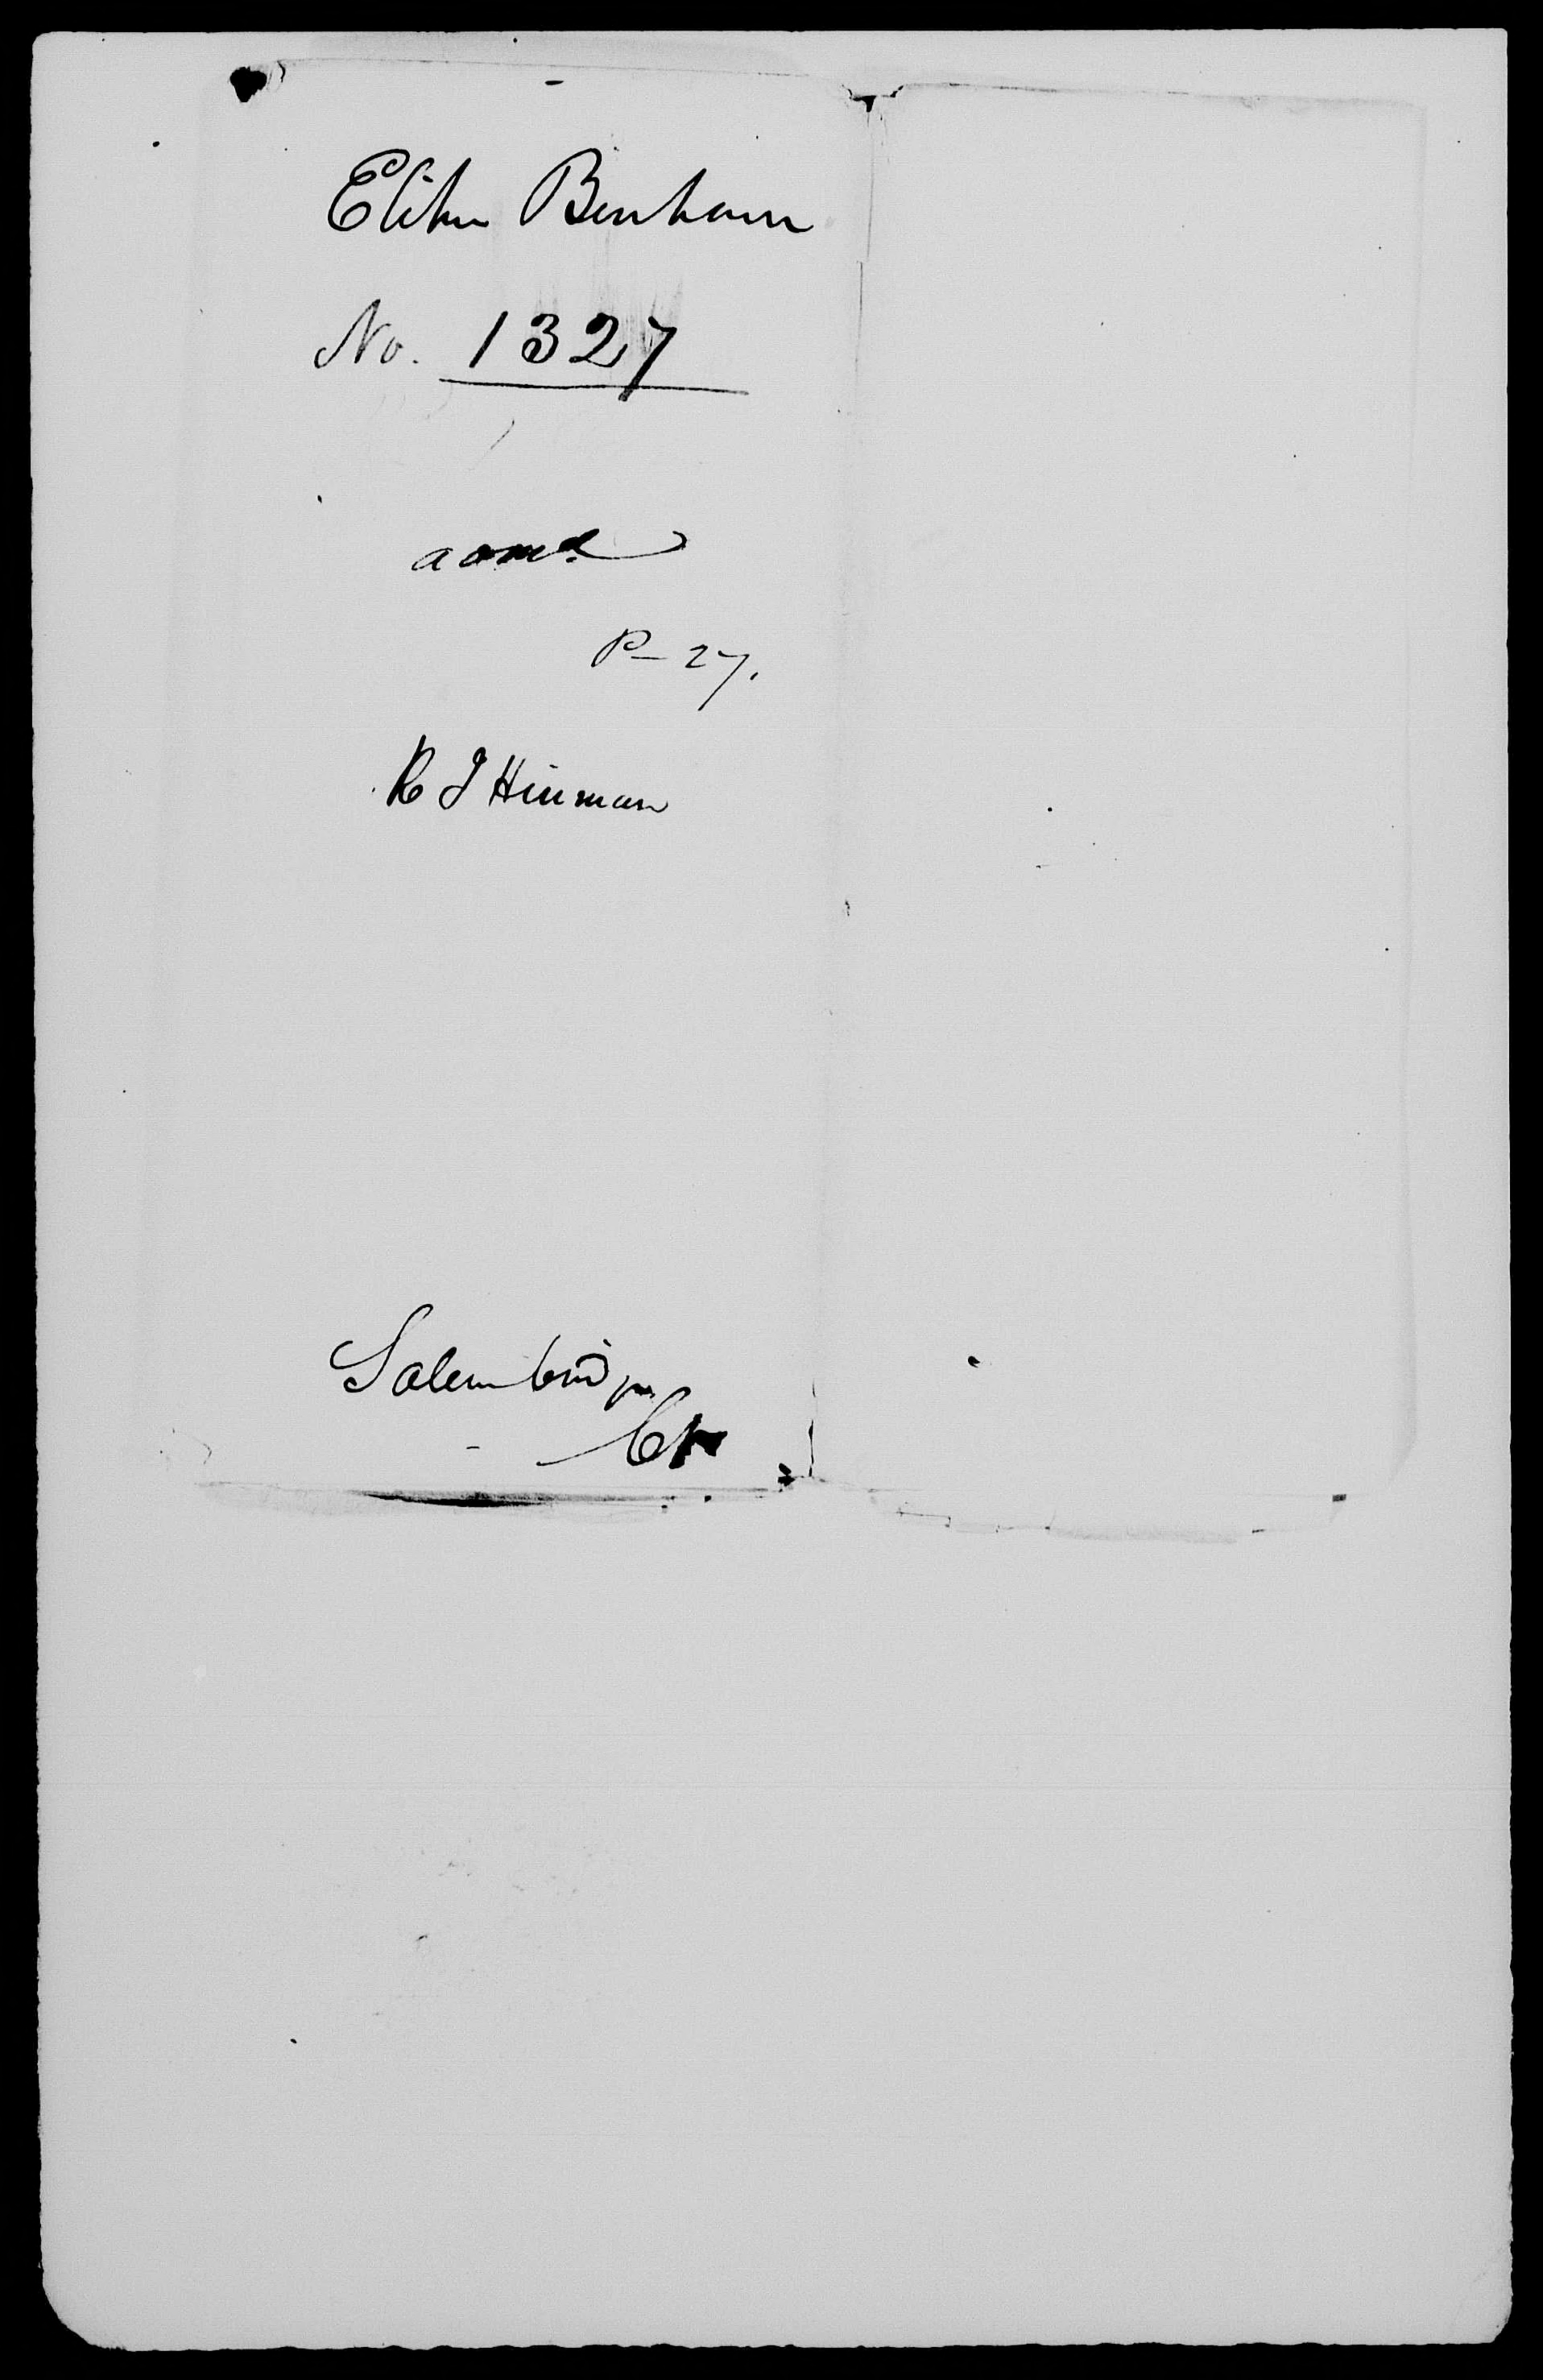Elihu Benham 
No. 1327 

ammd.

P-27.

R J Hinman 

Salembridge in Ct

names: Elihu Benham, R S Hinman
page: 20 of 45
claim: survivor's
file: S. 15748, Elihu Benham, Conn.